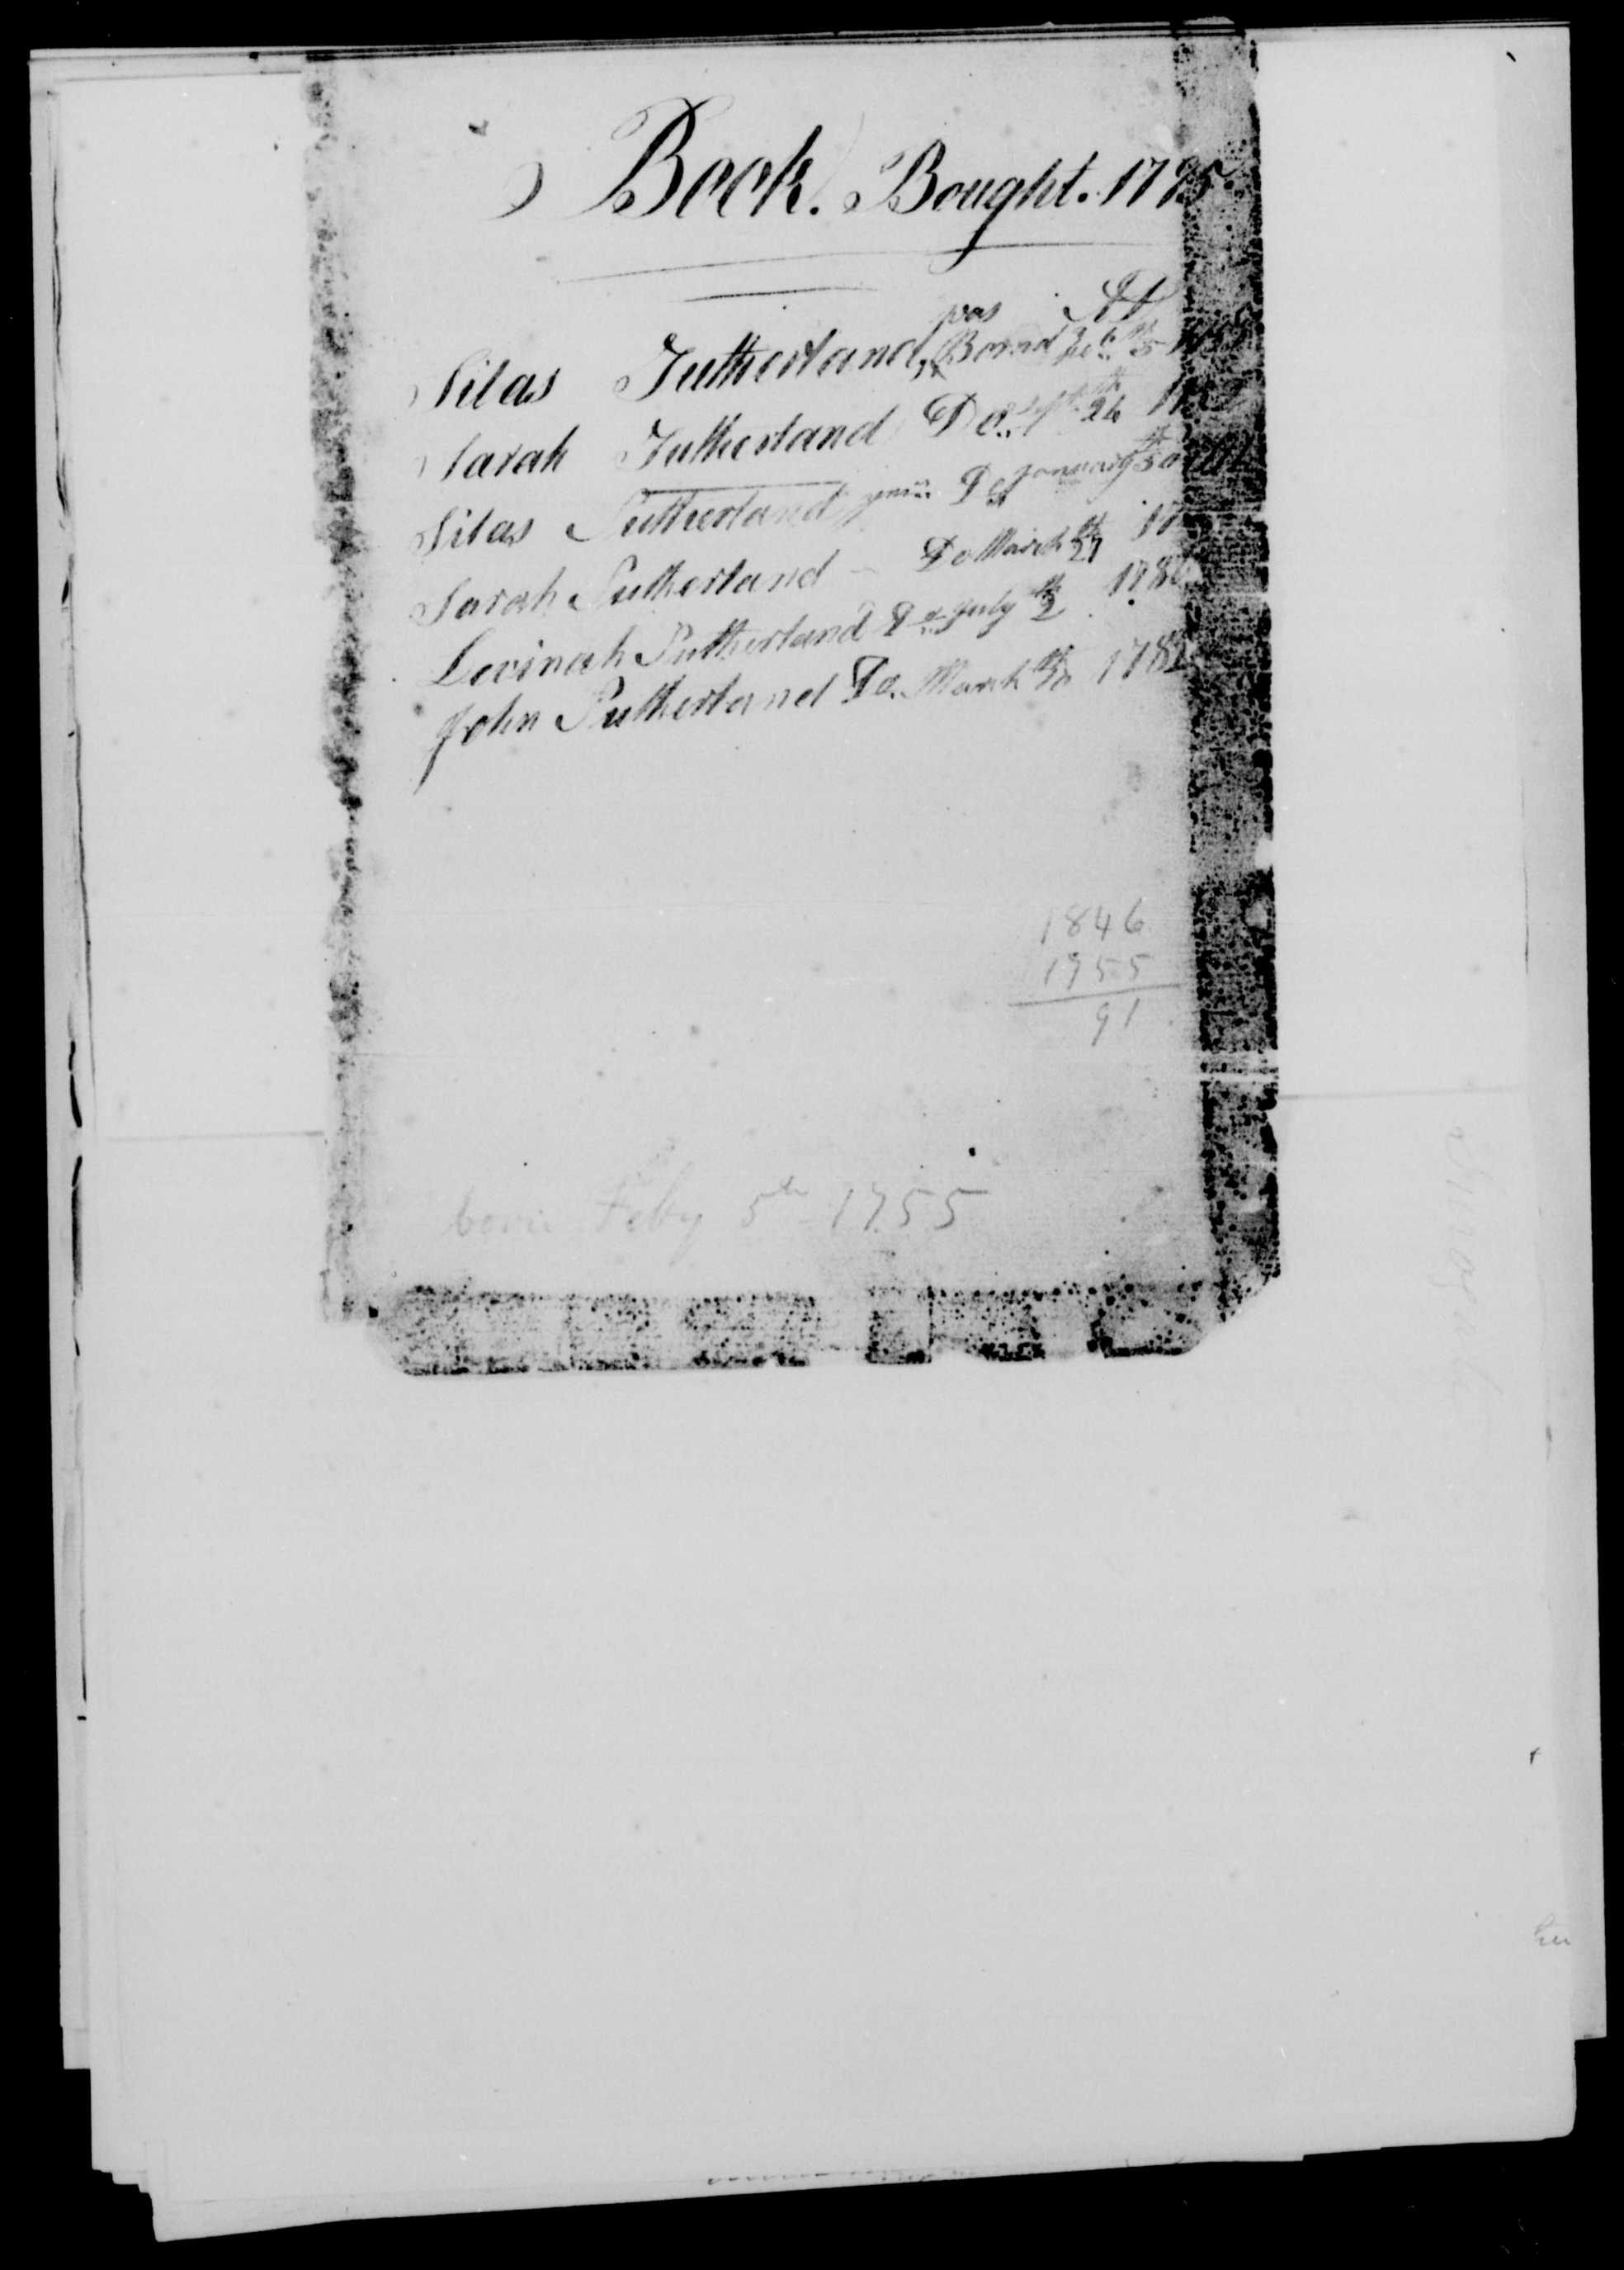Beck. Bought. 1795
AD 
Silas Sutherland was Born Feb 5 [1768?]
Sarah Sutherland Do Sept 24th 17[?2?] 
Silas Sutherland Jnr Do January 30th 1777 [?]
Sarah Sutherland Do March 27th 17[?]
Levinah Sutherland Do July 2 1780
John Sutherland Do. March 10th 1783

1846
1755
-----
91

born Feby 5th 1755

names: Silas Sutherland; Silas Sutherland; Sarah Sutherland; Sarah Sutherland; Levinah Sutherland; John Sutherland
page: 15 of 77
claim: survivor's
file: S. 23003, for Silas Southerland, New York